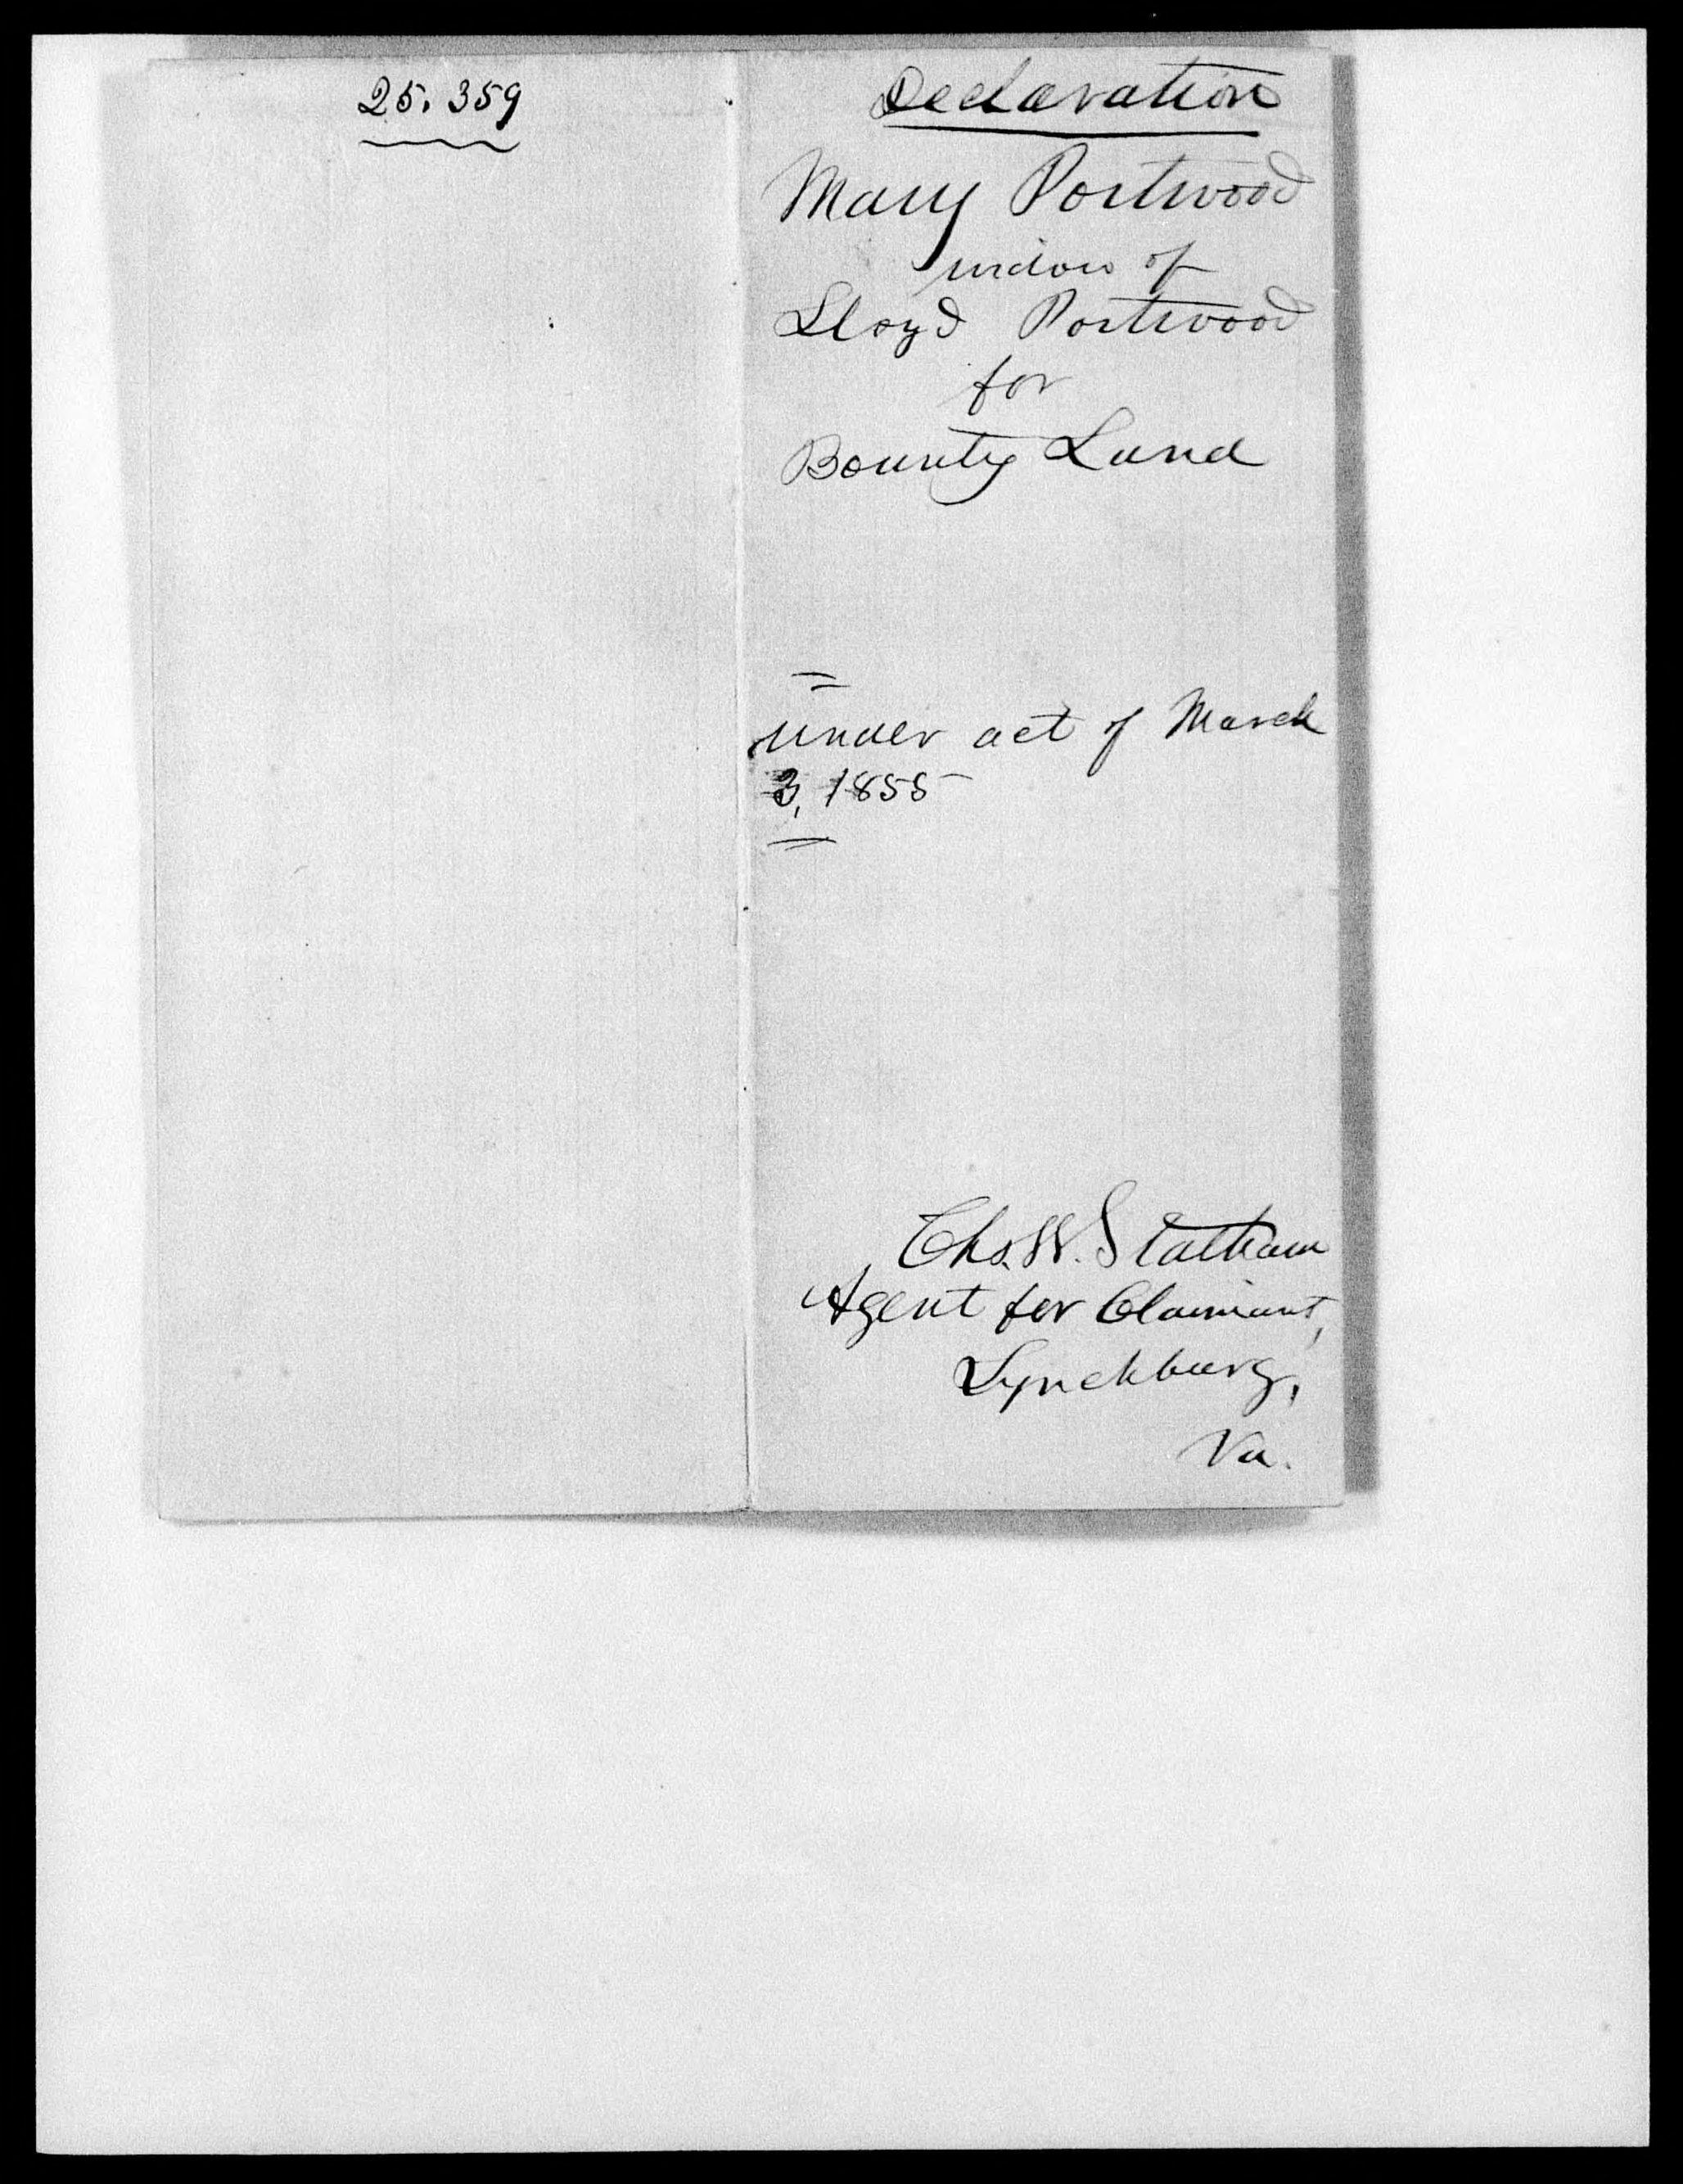[left side]
25. 359
[right side]
Declaration
Mary Portwood
widow of
Lloyd Portwood
for
Bounty Land
under act of March
3, 1855
Chs W Statham
Agent for Claimant,
Lynchburg,
Va.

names: Chs W Statham; Mary Portwood; Lloyd Portwood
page: 9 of 50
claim: widow's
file: W. 1929, for Lloyd Portwood, Virginia